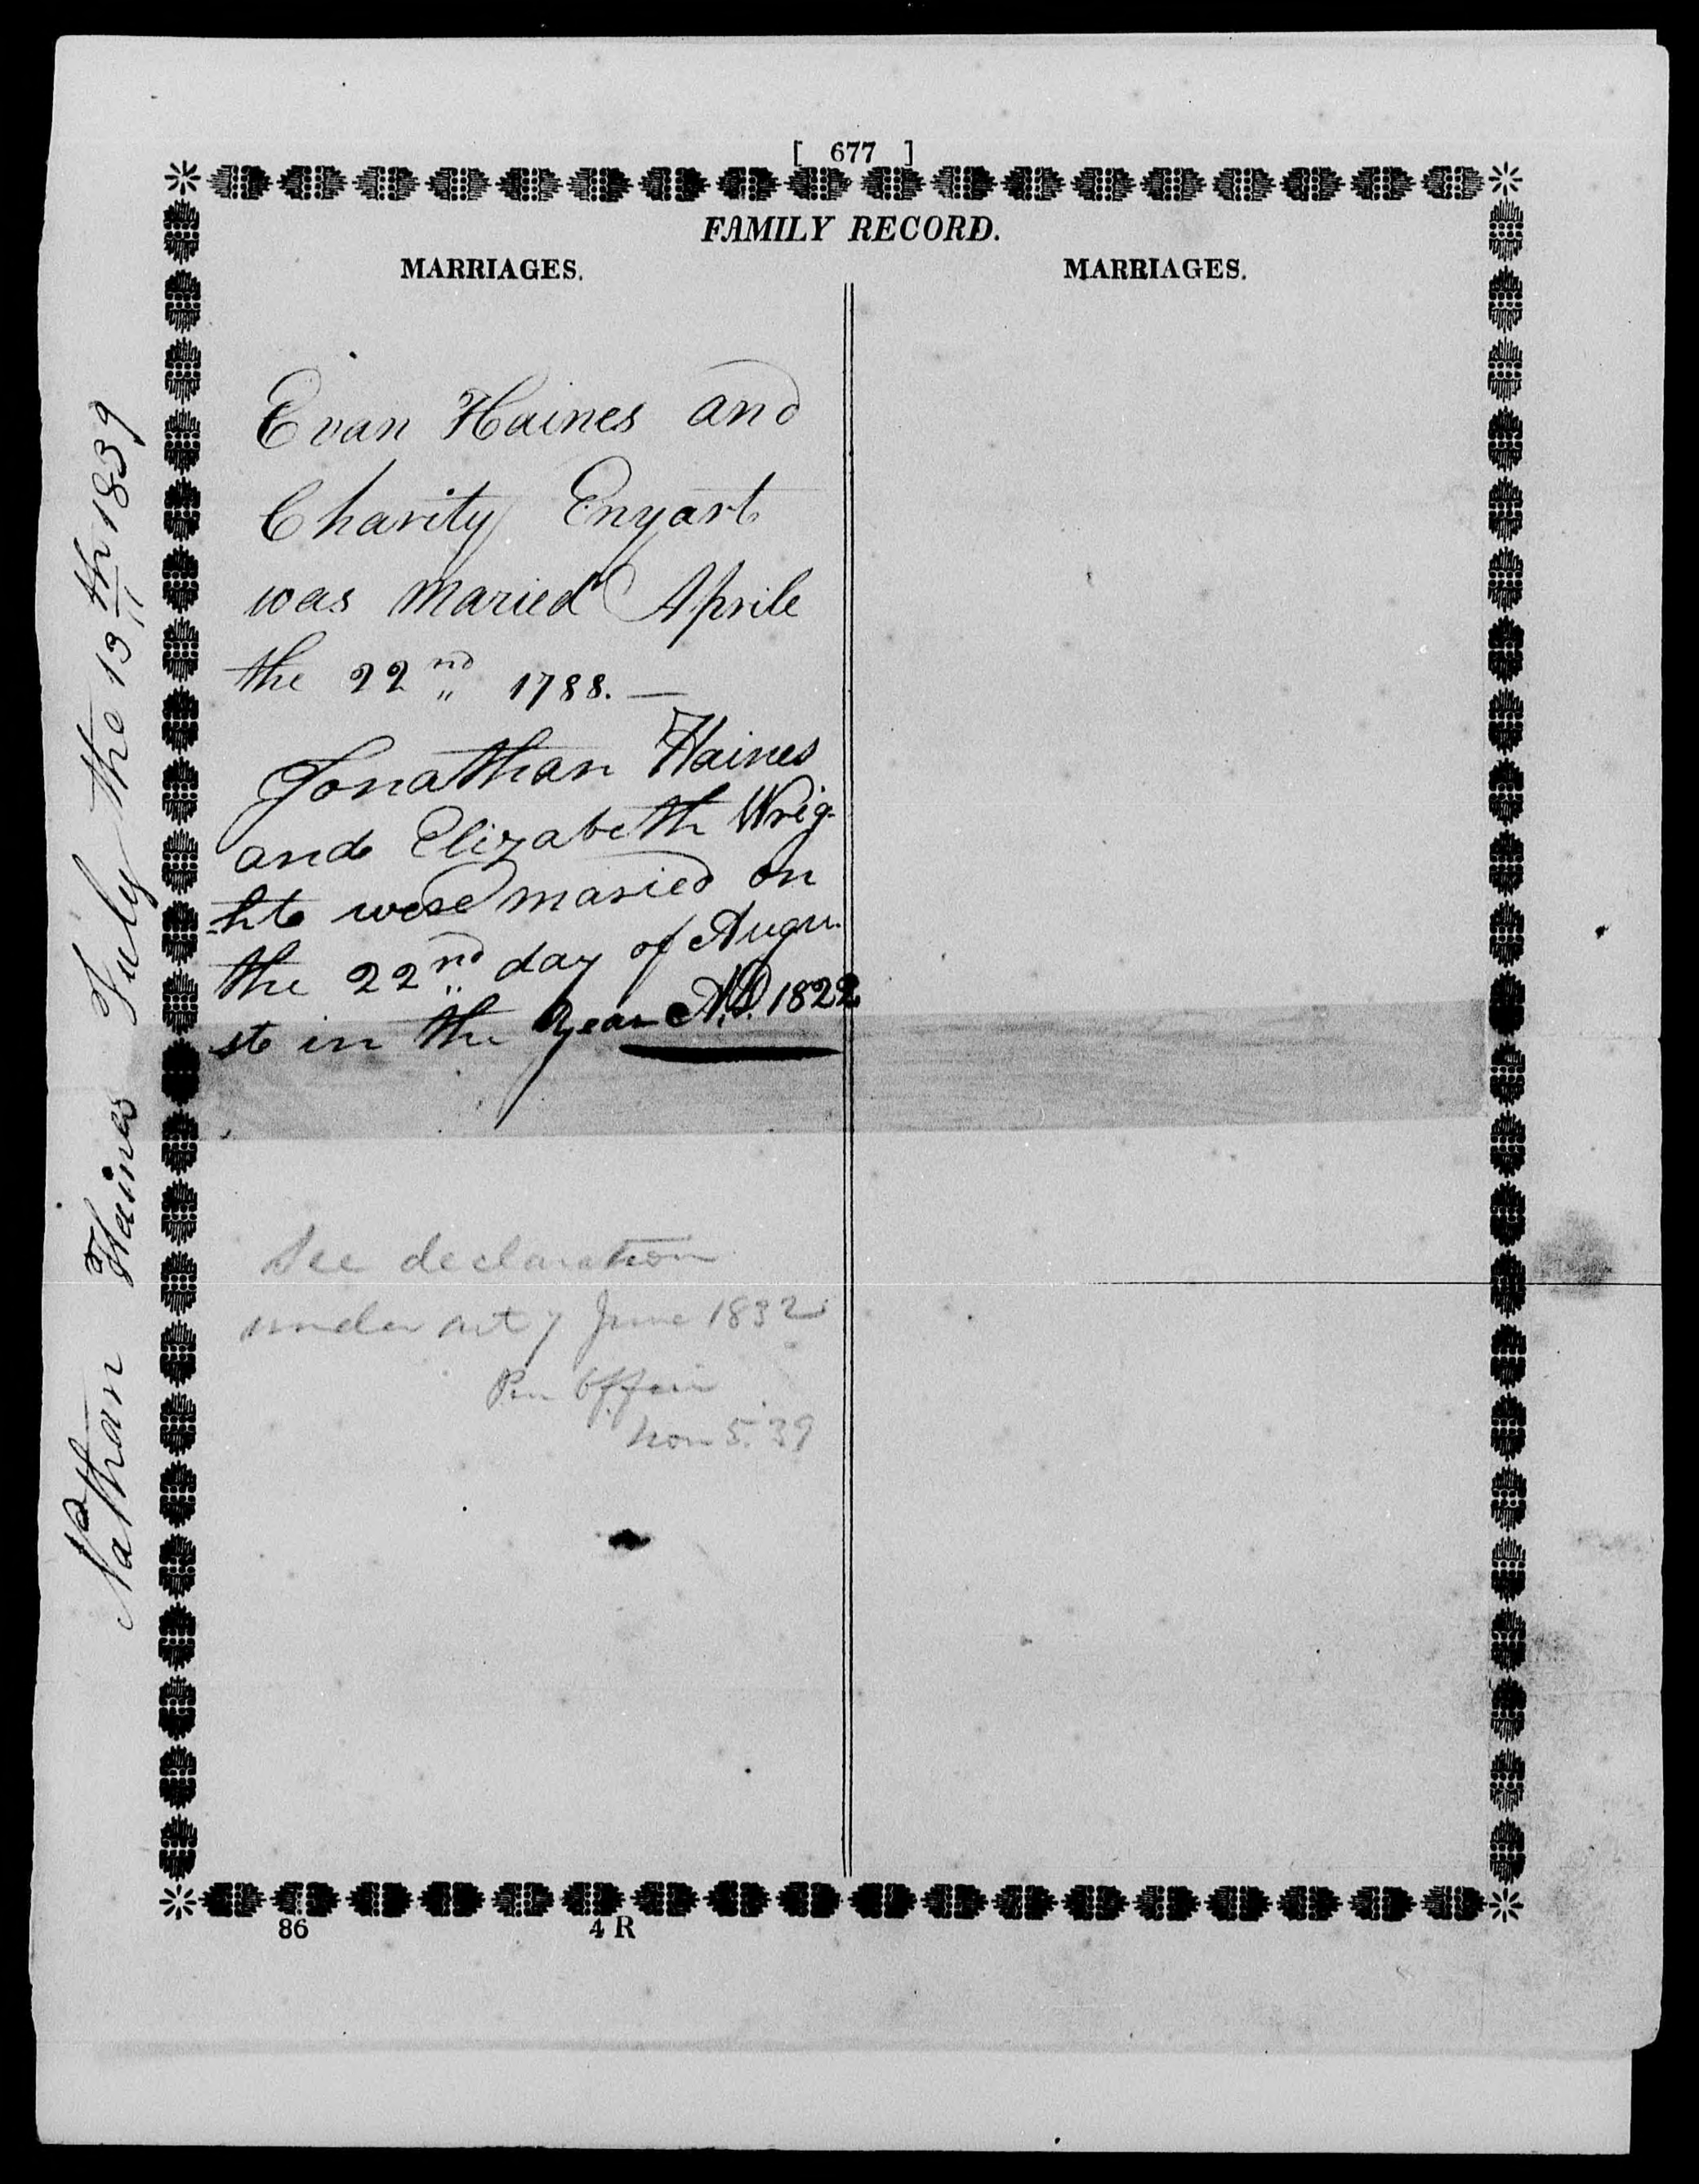FAMILY RECORD

(Written in margin of page) Nathan Haines July the 13th 1839

MARRIAGES

Evan Haines and Charity Enyart was married April the 22nd 1788.

Jonathan Haines and Elizabeth Wright was married on the 22nd day of August in the year of 1822.

(Written faintly)
See declaration under June 1832
Per affair Nom. 5.39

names: Evan Haines, Jonathan Haines, Elizabeth Haines, Nathan Haines, Charity Enyart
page: 16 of 34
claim: widow's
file: W. 8897, Evan Haines, Ga